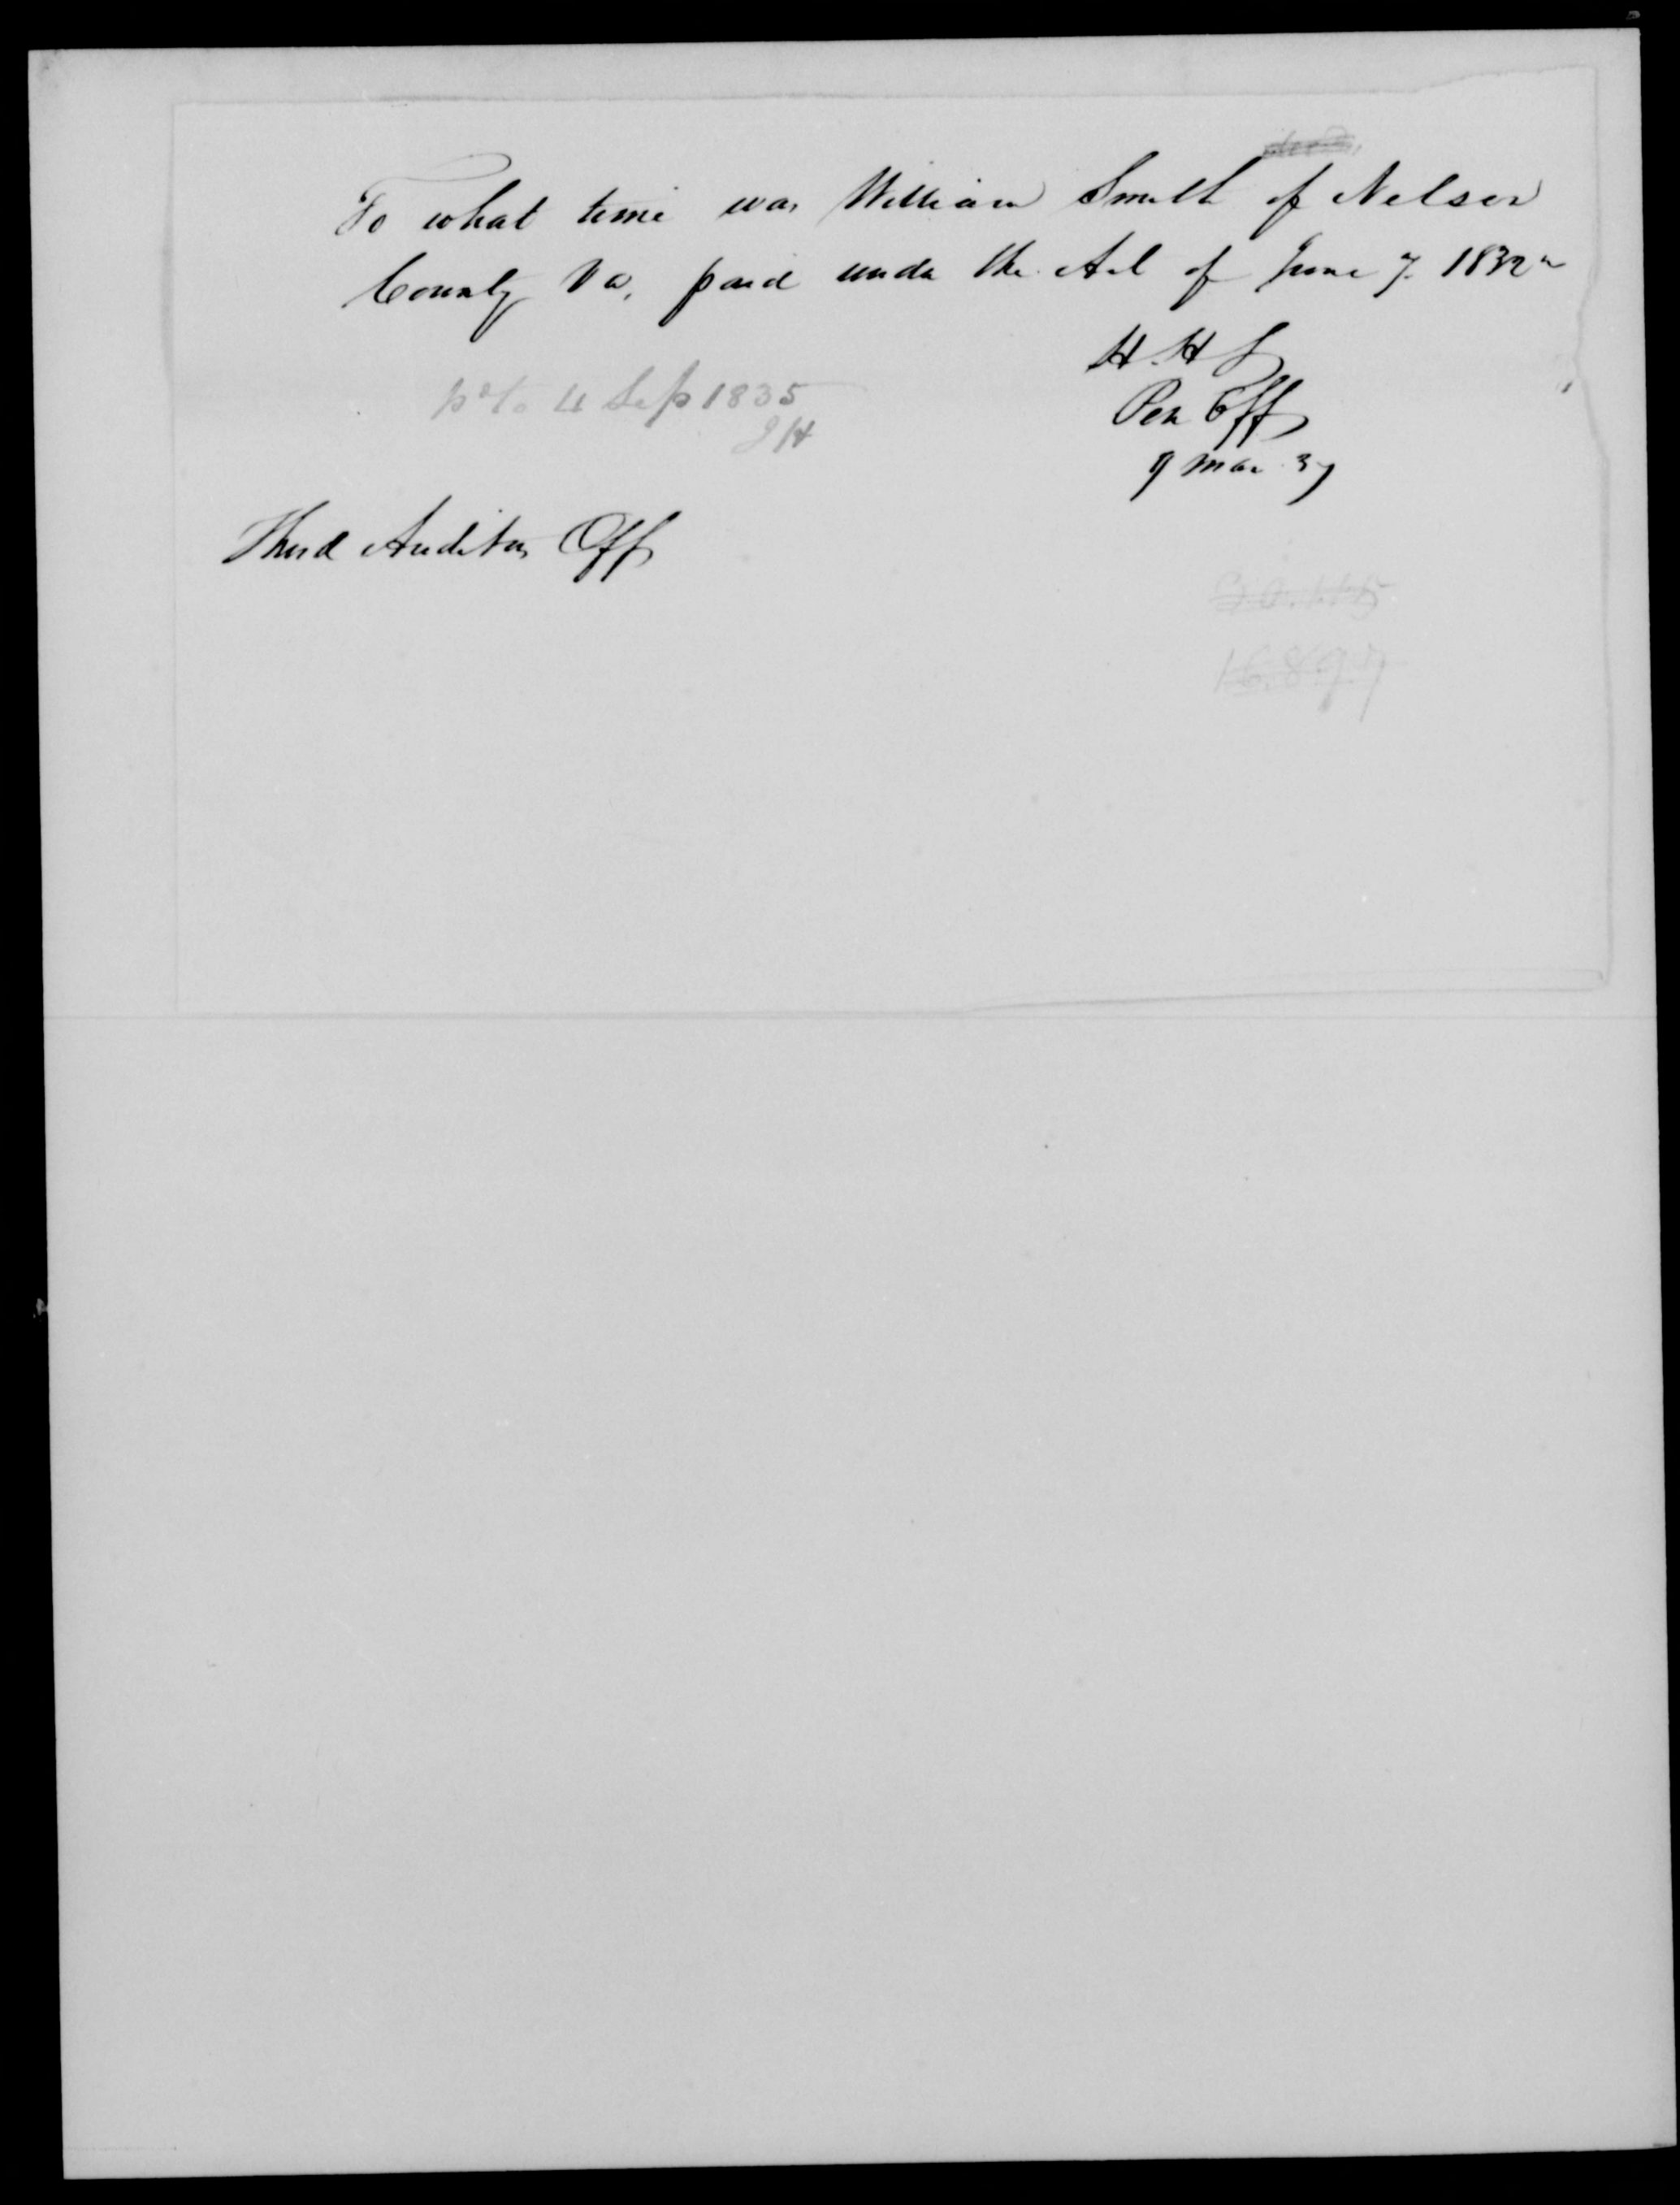To what time was William Smith of Nelson County Va. paid under the Act of June 7. 1832?
H. H J
Pen Off
9 Mar 37

pd to 4 Sep 1835
JH

Third Auditors Off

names: William Smith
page: 14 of 22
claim: widow's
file: W. 4,806, for William Smith, Virginia